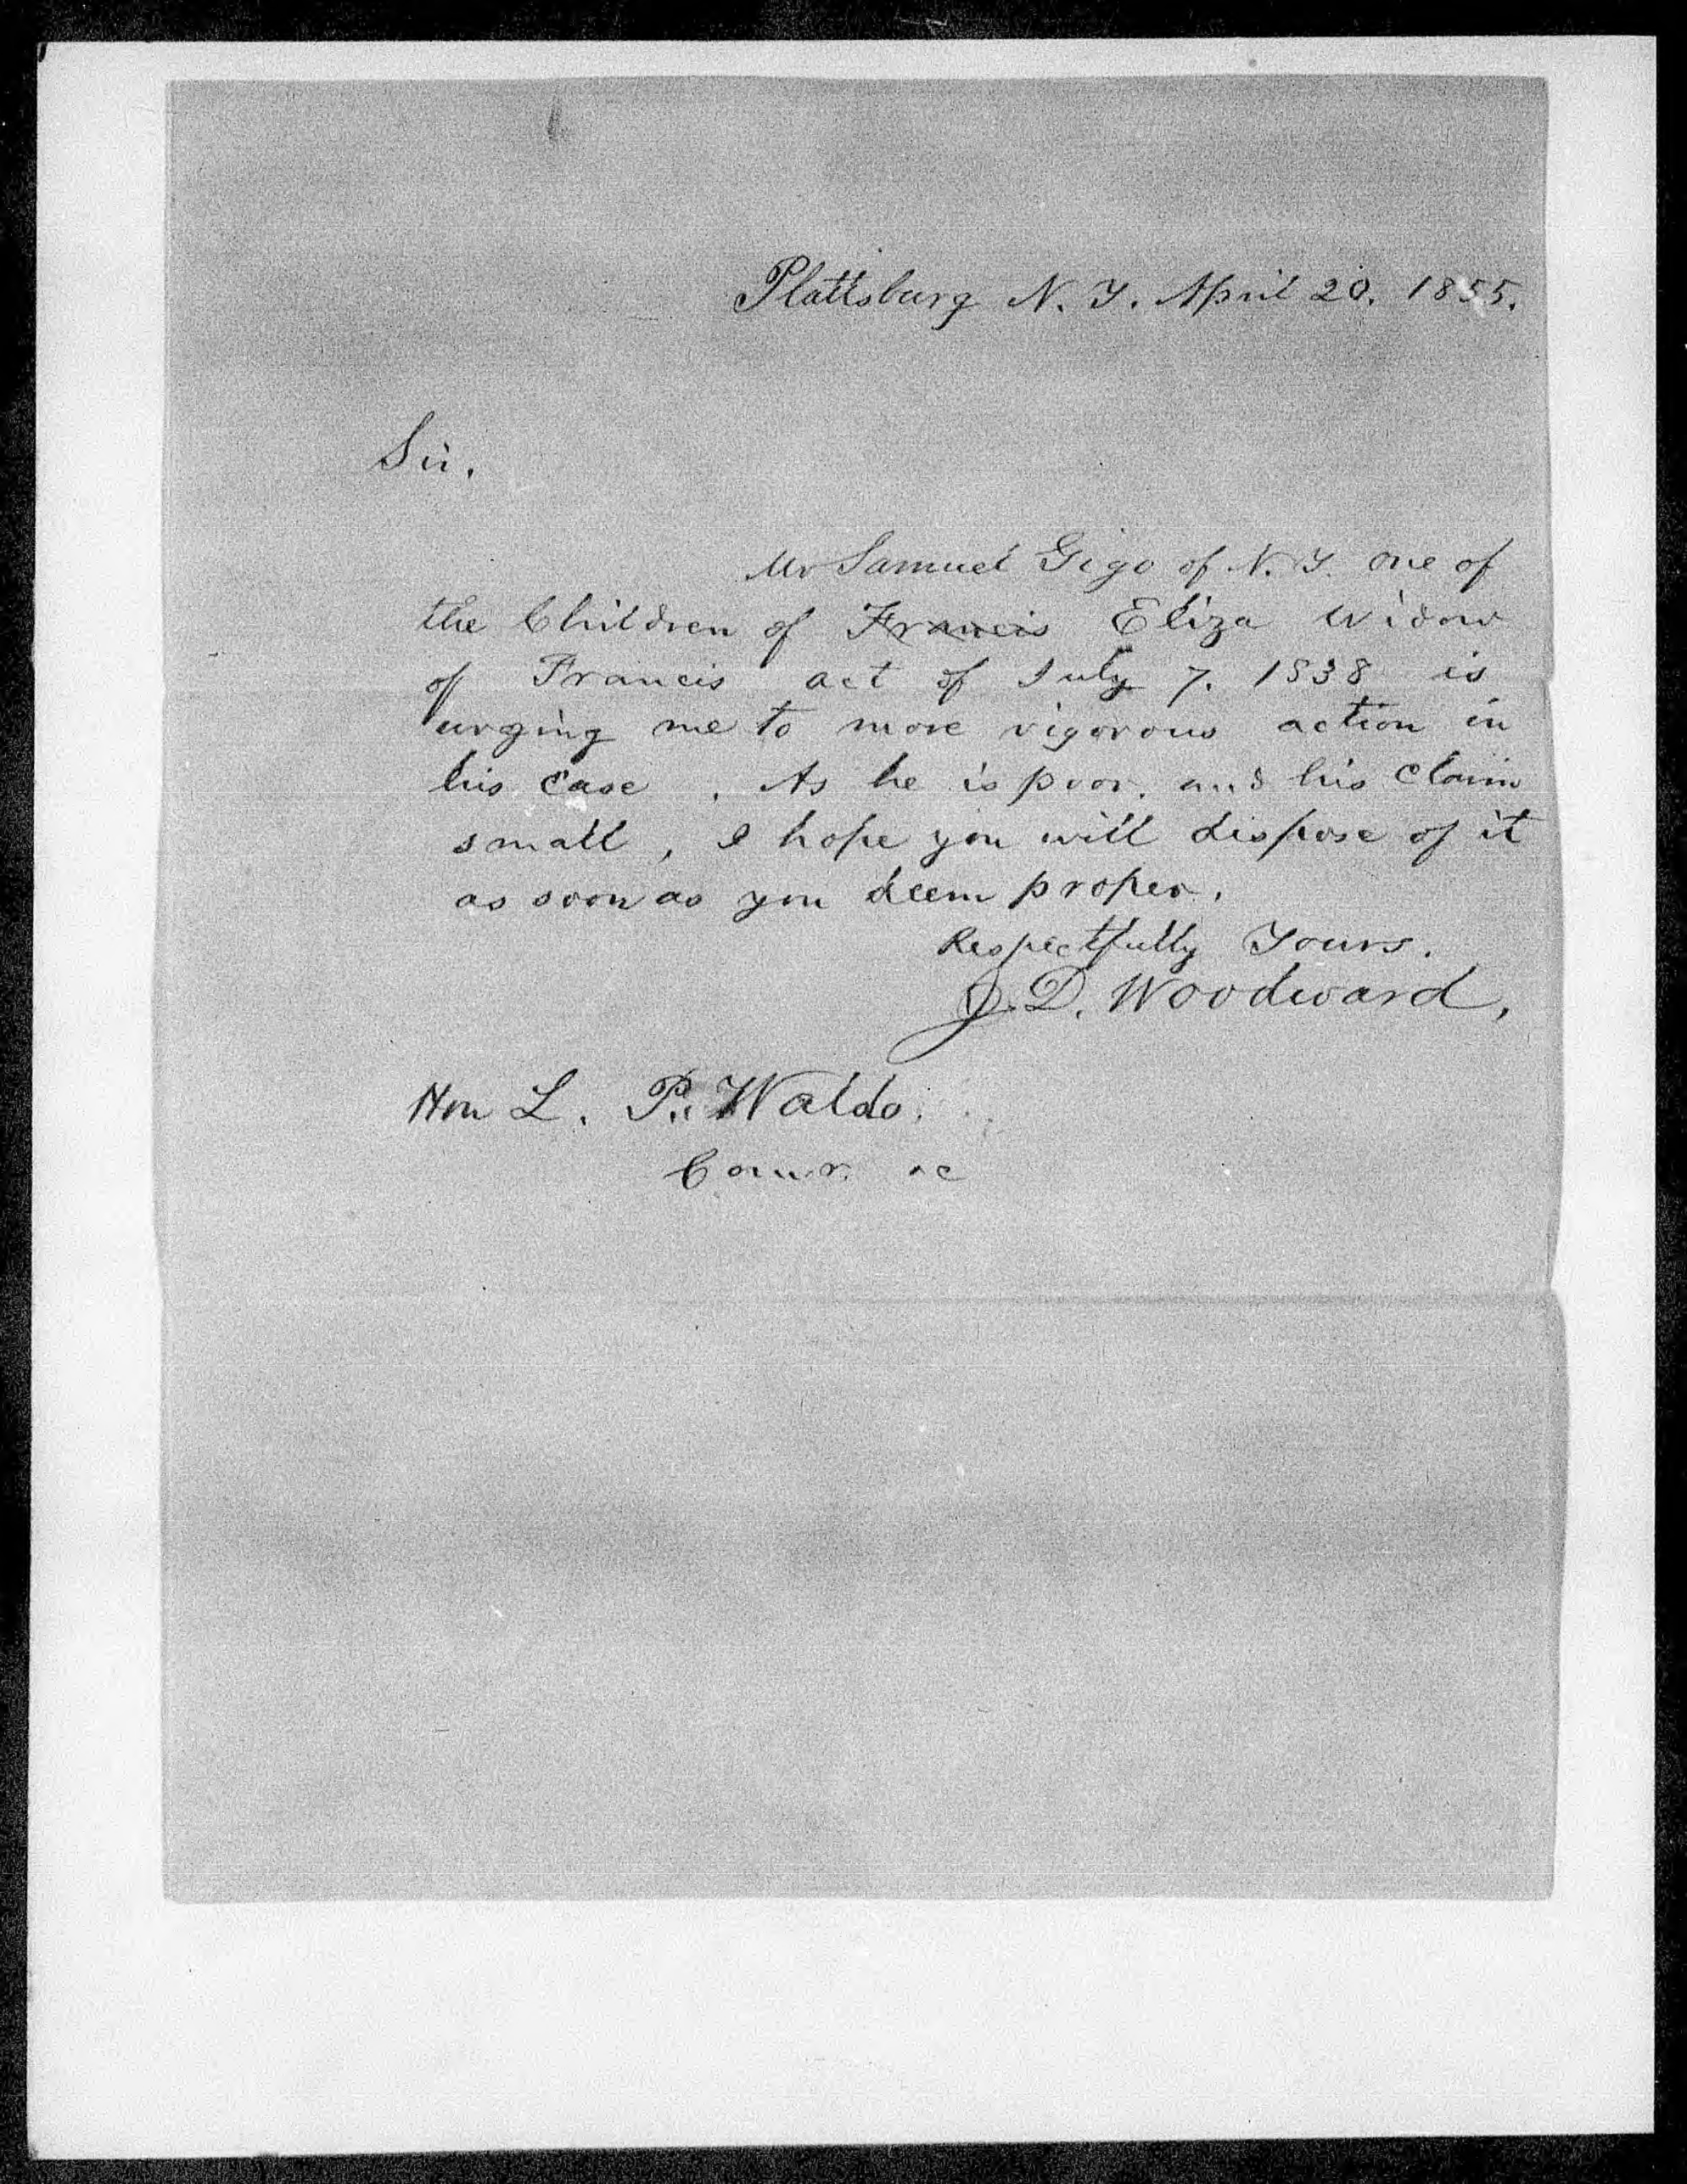Plattsburg, NY  April 20, 1855

Sir,
Mr. Samuel Gigo of N Y, one of the children of Francis, Eliza widow of Francis, Act of July 7, 1838 is urging me to more rigorous action in his case.  As he is poor and his claim small, I hope you will dispose of it as soon a you deem proper.
Respectfully yours,
J D Woodward


Hon L P Waldo
Comm Pensions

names: Francis, L P Waldo, J D Woodward, Francis, Samuel Gigo, Eliza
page: 98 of 98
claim: widow's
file: W. 21182, Francis Gigo, Continental (Canadian)